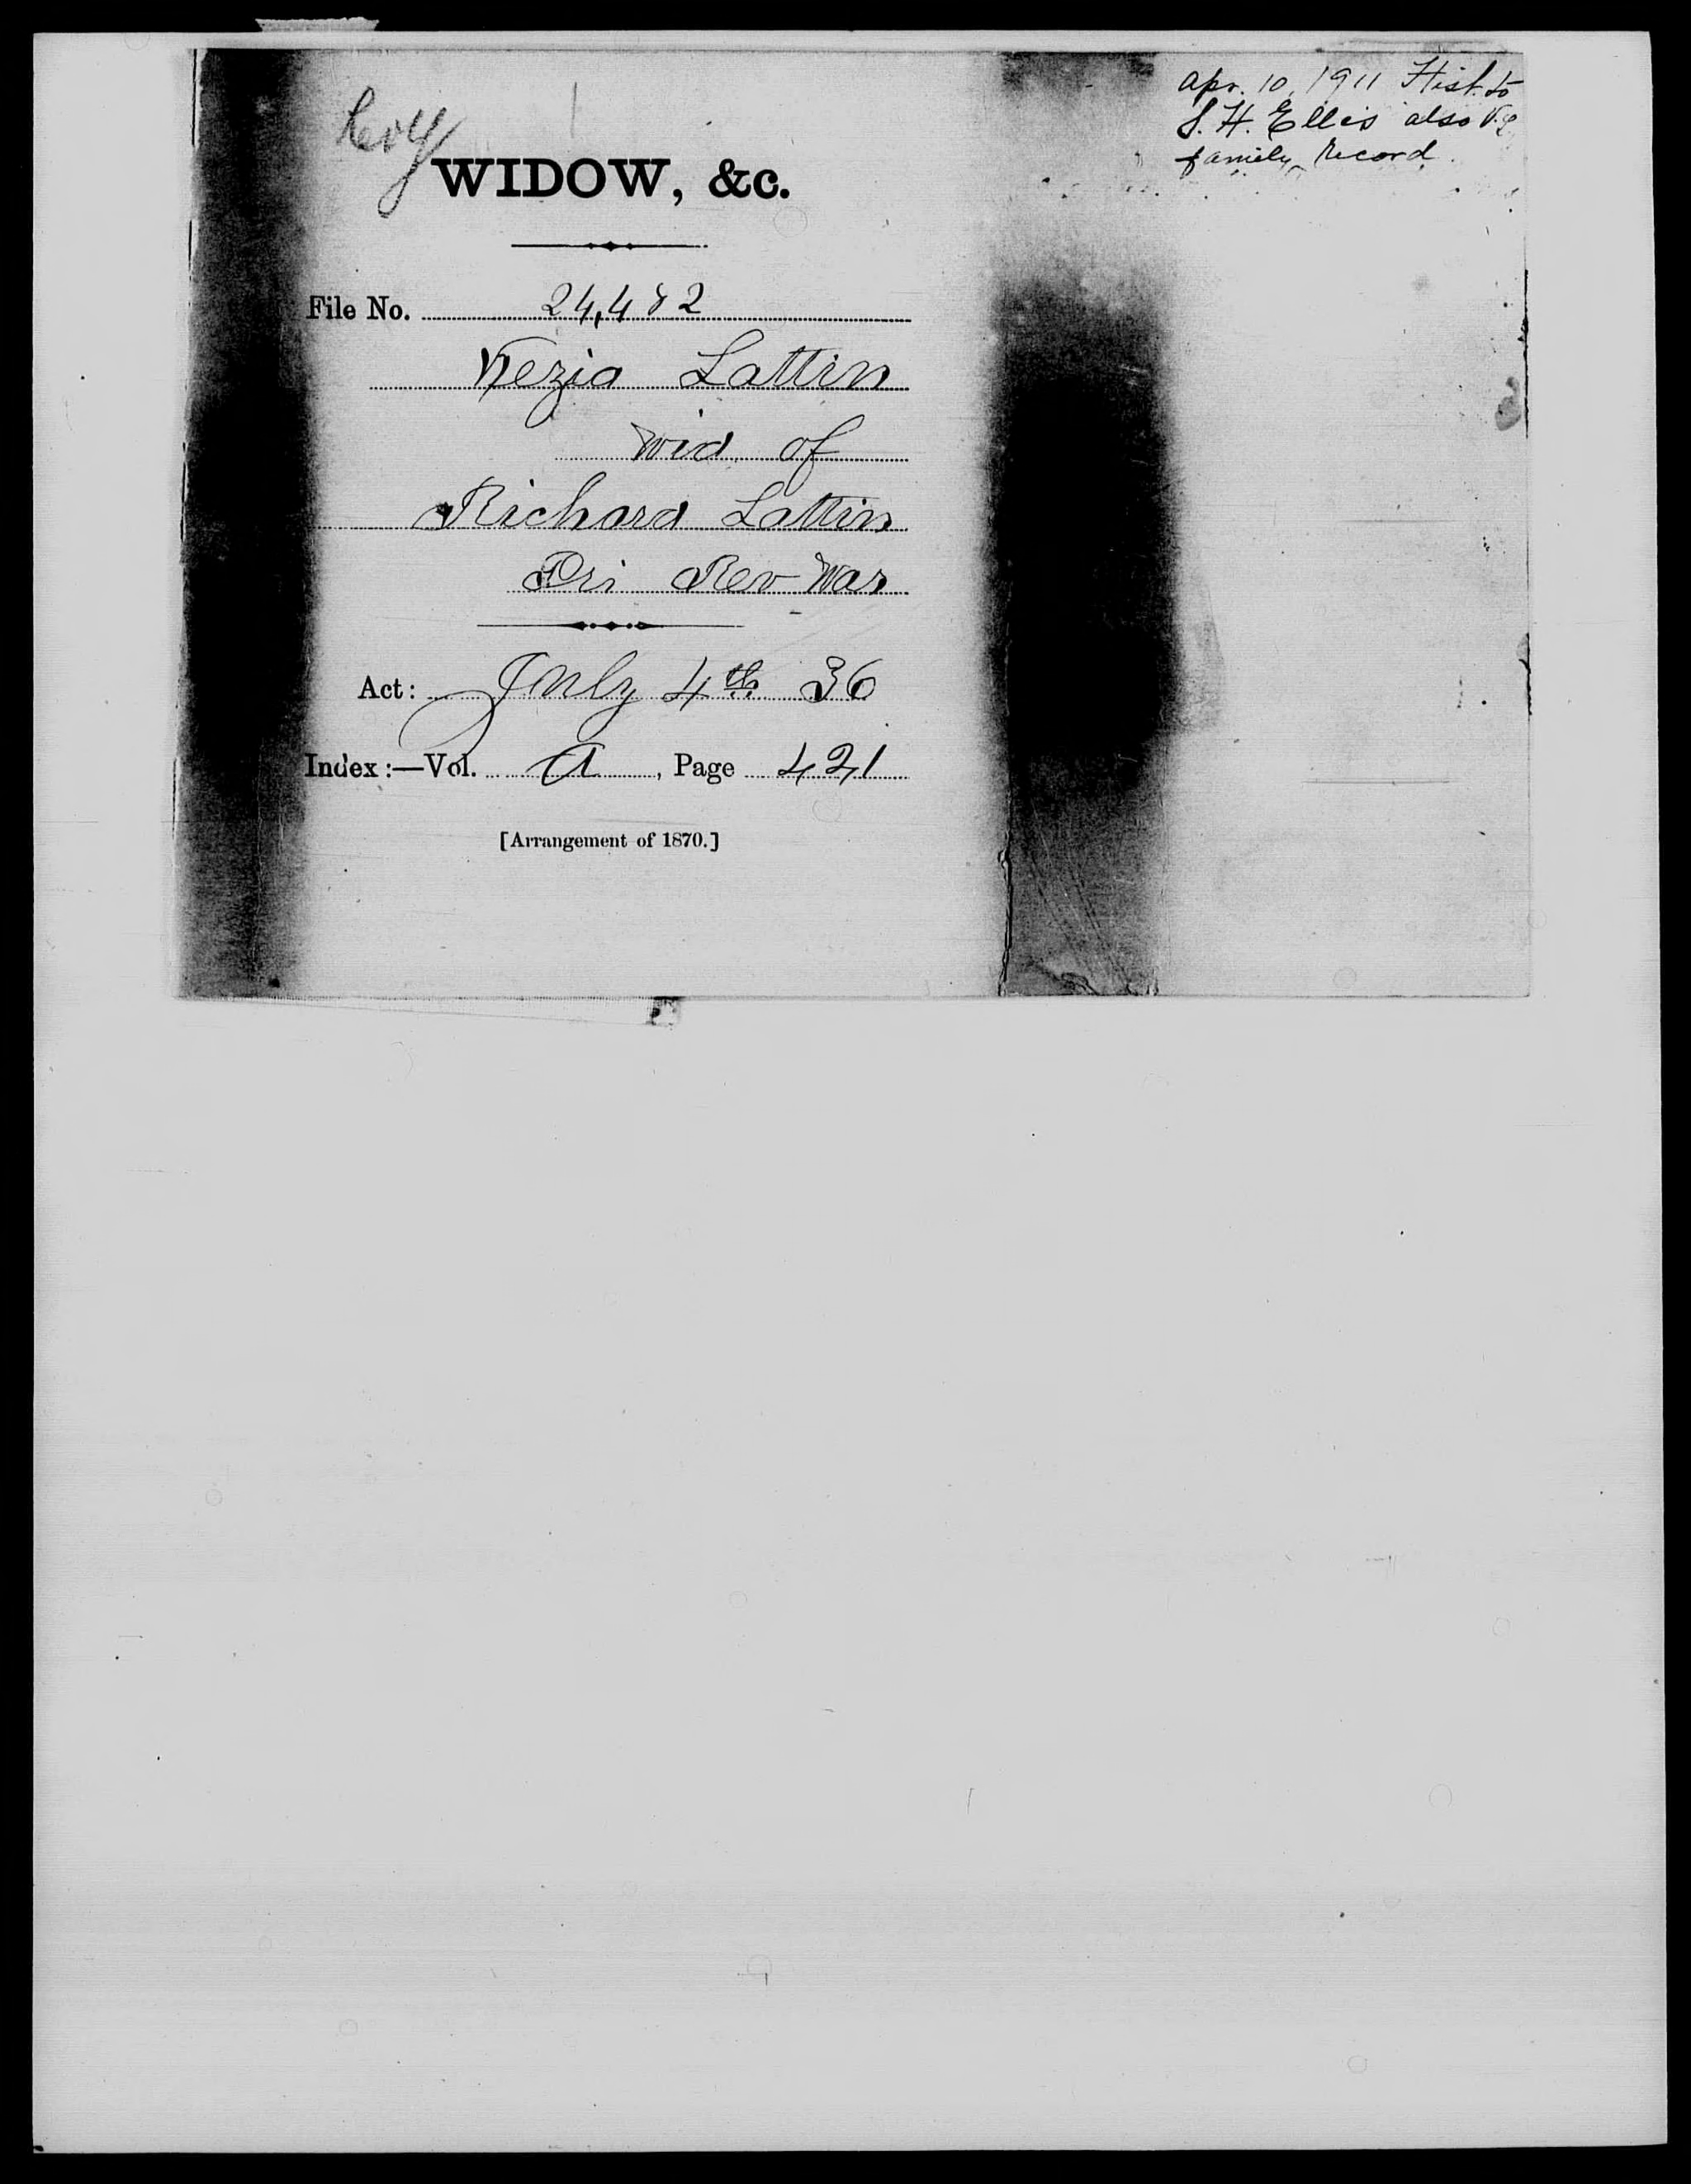Revy WIDOW, &c.
File No. 24, 482
Kezia Lattin
wid of
Richard Lattin
Pri Rev War
---
Act: July 4th 36
Index: - Vol. A, Page 421
(Arrangement of 1870.)

Apr. 10, 1911 Hist to
S.H. Ellis also
family record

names: Kezia Lattin; Richard Lattin; S H Ellis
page: 55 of 99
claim: widow's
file: W. 24,482, for Richard Lattin, Vermont